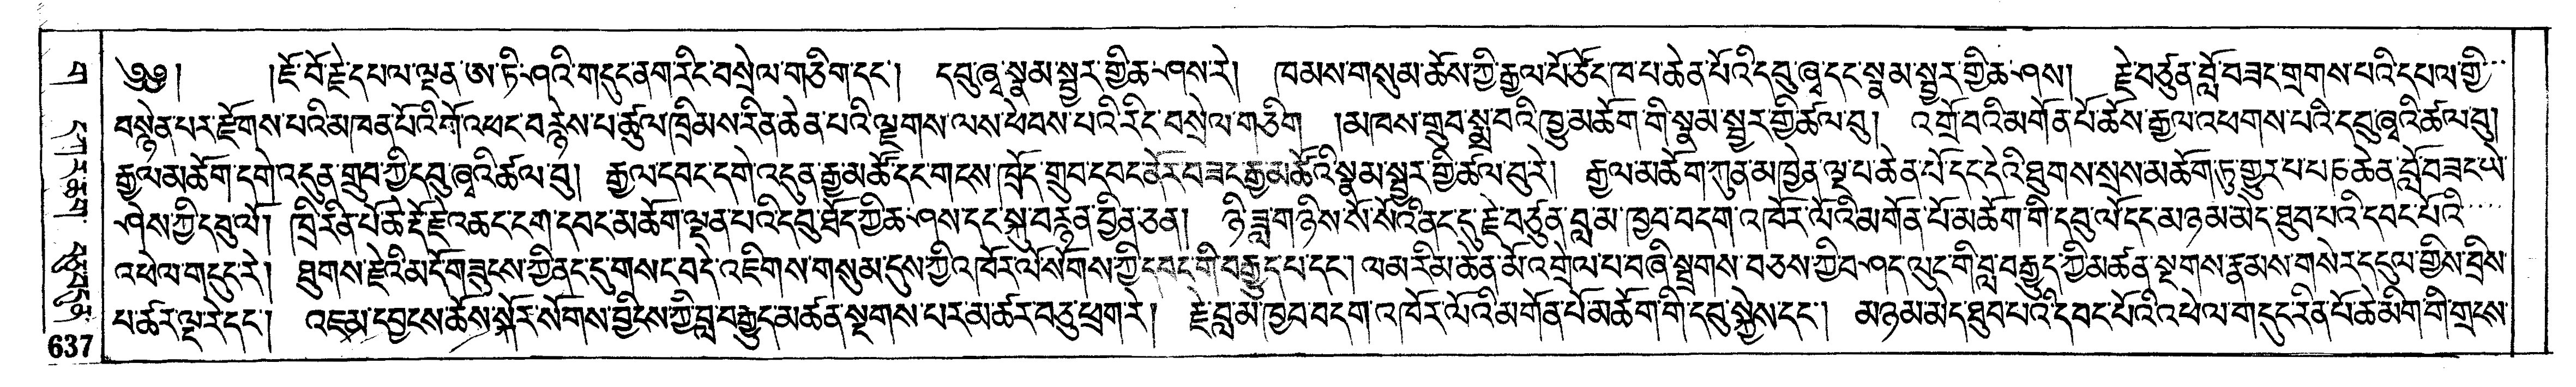༄༅། །ཇོ་བོ་རྗེ་དཔལ་ལྡན་ཨ་ཏི་ཤའི་གདུང་ནག་རིང་བསྲེལ་གཅིག་དང་། དབུ་ཞྭ་སྣམ་སྦྱར་གྱི་ཆ་ཤས་རེ། ཁམས་གསུམ་ཆོས་ཀྱི་རྒྱལ་པོ་ཙོང་ཁ་པ་ཆེན་པོའི་དབུ་ཞྭ་དང་སྣམ་སྦྱར་གྱི་ཆ་ཤས། རྗེ་བཙུན་བློ་བཟང་གྲགས་པའི་དཔལ་གྱི་
བསྙེན་པར་རྫོགས་པའི་མཁན་པོའི་གོ་འཕང་བརྙེས་པ་ཚུལ་ཁྲིམས་རིན་ཆེན་པའི་ལྗགས་ལས་ཕེབས་པའི་རིང་བསྲེལ་གཅིག །མཁས་གྲུབ་སྨྲ་པའི་ཁྱུ་མཆོག་གི་སྣམ་སྦྱར་གྱི་ཚལ་བུ། འགྲོ་བའི་མགོན་པོ་ཆོས་རྒྱལ་འཕགས་པའི་དབུ་ཞྭའི་ཚལ་བུ།
རྒྱལ་མཆོག་དགེ་འདུན་གྲུབ་ཀྱི་དབུ་ཞྭའི་ཚལ་བུ། རྒྱལ་དབང་དགེ་འདུན་རྒྱ་མཚོ་དང་གངས་ཁྲོད་གྲུབ་དབང་ནོར་བཟང་རྒྱ་མཚོའི་སྣམ་སྦྱར་གྱི་ཚལ་བུ་རེ། རྒྱལ་མཆོག་ཀུན་མཁྱེན་ལྔ་པ་ཆེན་པོ་དང་དེའི་ཐུགས་སྲས་མཆོག་ཏུ་གྱུར་པ་པཎ་ཆེན་བློ་བཟང་ཡེ་
ཤེས་ཀྱི་དབུ་ལོ། ཁྲི་རིན་པོ་ཆེ་རྡོ་རྗེ་འཆང་ངག་དབང་མཆོག་ལྡན་བའི་དབུ་ཐོད་ཀྱི་ཆ་ཤས་དང་སྐུ་བརྙན་བྱིན་ཅན། ཉི་ཟླ་གཉིས་སོ་སོའི་ནང་དུ་རྗེ་བཙུན་བླ་མ་ཁྱབ་བདག་འཁོར་ལོའི་མགོན་པོ་མཆོག་གི་དབུ་ལོ་དང་མཉམ་མེད་ཐུབ་པའི་དབང་པོའི་
འཕེལ་གདུང་རེ། ཐུགས་རྗེའི་མདོ་གཟུངས་ཀྱི་ནང་དུ་གསང་བདེ་འཇིགས་གསུམ་དུས་ཀྱི་འཁོར་ལོ་སོགས་ཀྱི་དབང་གི་བརྒྱུད་པ་དང་། ལམ་རིམ་ཆེན་མོ་འགྲེལ་པ་བཞི་སྤྲགས་བཅས་ཀྱི་བཤད་ལུང་གི་བླ་བརྒྱུད་ཀྱི་མཚན་སྔགས་རྣམས་གསེར་དངུལ་ཕྱིས་བྲིས་
པ་ཚར་ལྔ་རེ་དང་། འཇམ་དབྱངས་ཆོས་སྐོར་སོགས་བྱིངས་ཀྱི་བླ་བརྒྱུད་མཚན་སྔགས་པར་མ་ཚར་བཅུ་ཕྲག་རེ། རྗེ་བླ་མ་ཁྱབ་བདག་འཁོར་ལོའི་མགོན་པོ་མཆོག་གི་དབུ་སྐྱེས་དང་། མཉམ་མེད་ཐུབ་བའི་དབང་པོའི་འཕེལ་གདུང་རིན་པོ་ཆེ་མིག་གི་གྲངས་